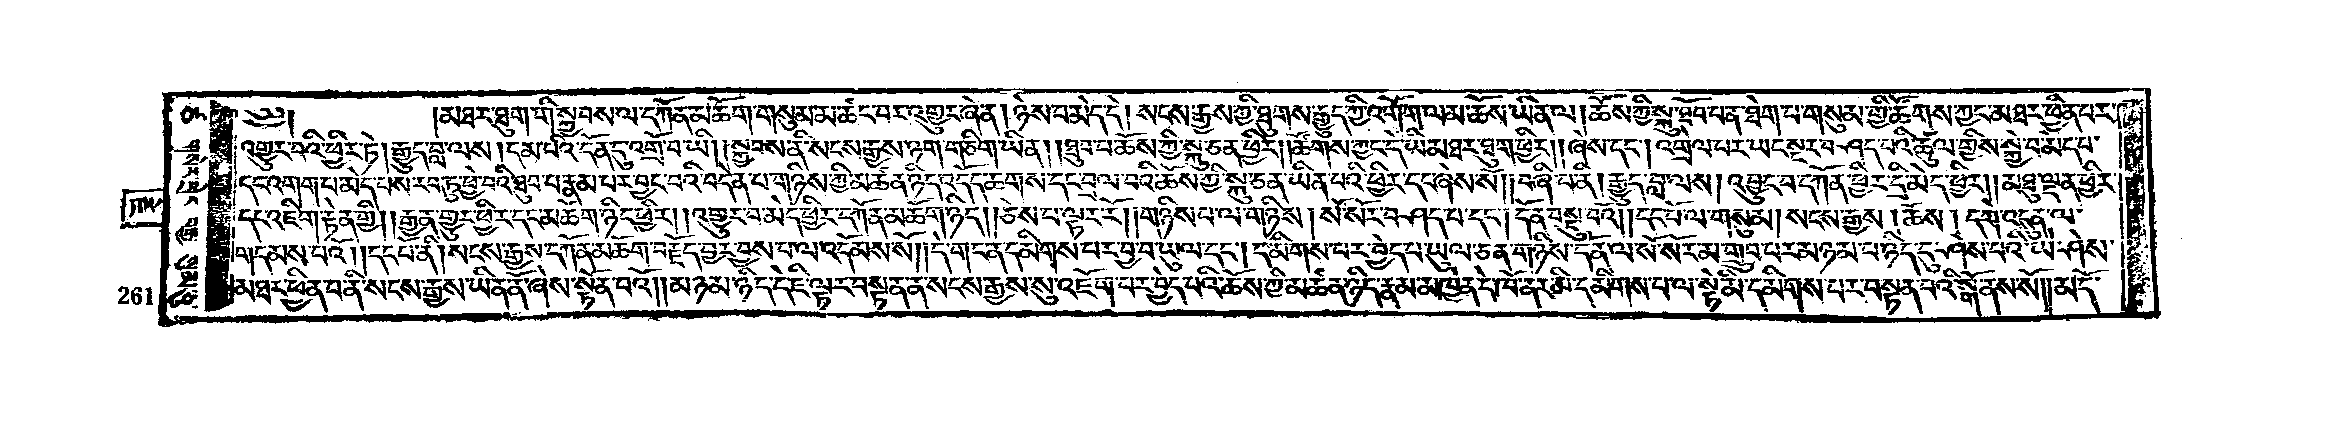༄༅། །མཐར་ཐུག་གི་སྐྱབས་ལ་དཀོན་མཆོག་གསུམ་མ་ཚང་བར་འགྱུར་ཞེ་ན། ཉེས་པ་མེད་དེ། སངས་རྒྱས་ཀྱི་ཐུགས་རྒྱུད་ཀྱི་འགོག་ལམ་ཆོས་ཡིན་ལ། ཆོས་ཀྱི་སྐུ་ཐོབ་པ་ན་ཐེག་པ་གསུམ་གྱི་ཚོགས་ཀྱང་མཐར་ཕྱིན་པར་
འགྱུར་བའི་ཕྱིར་ཏེ། རྒྱུད་བླ་ལས། དམ་པའི་དོན་དུ་འགྲོ་བ་ཡི། །སྐྱབས་ནི་སངས་རྒྱས་ཉག་གཅིག་ཡིན། །ཐུབ་པ་ཆོས་ཀྱི་སྐུ་ཅན་ཕྱིར། །ཚོགས་ཀྱང་དེ་ཡི་མཐར་ཐུག་ཕྱིར། །ཞེས་དང་། འགྲེལ་པར་ཡང་སྔར་བཤད་པའི་ཚུལ་གྱིས་སྐྱེ་བ་མེད་པ་
དང་འགག་པ་མེད་པས་རབ་ཏུ་ཕྱེ་བའི་ཐུབ་པ་རྣམ་པར་བྱང་བའི་བདེན་པ་གཉིས་ཀྱི་མཚན་ཉིད་འདོད་ཆགས་དང་བྲལ་བའི་ཆོས་ཀྱི་སྐུ་ཅན་ཡིན་པའི་ཕྱིར་དང་ཞེས་སོ། །བཞི་པ་ནི། རྒྱུད་བླ་ལས། འབྱུང་བ་དཀོན་ཕྱིར་དྲི་མེད་ཕྱིར། །མཐུ་ལྡན་ཕྱིར་
དང་འཇིག་རྟེན་གྱི། །རྒྱུན་གྱུར་ཕྱིར་དང་མཆོག་ཉིད་ཕྱིར། །འགྱུར་བ་མེད་ཕྱིར་དཀོན་མཆོག་ཉིད། །ཅེས་པ་ལྟར་རོ། །གཉིས་པ་ལ་གཉིས། སོ་སོར་བཤད་པ་དང་། དོན་བསྡུ་བའོ། །དང་པོ་ལ་གསུམ། སངས་རྒྱས། ཆོས། དགེ་འདུན་ལ་
གདམས་པའོ། །དང་པོ་ནི། སངས་རྒྱས་དཀོན་མཆོག་བརྗོད་བྱར་བྱས་པ་ལ་འདོམས་སོ། །དེ་གང་ན་དམིགས་པར་བྱ་བ་ཡུལ་དང་། དམིགས་པར་བྱེད་པ་ཡུལ་ཅན་གཉིས་དོན་ལ་སོ་སོར་མ་གྲུབ་པར་མཉམ་པ་ཉིད་དུ་ཤེས་པའི་ཡེ་ཤེས་
མཐར་ཕྱིན་པ་ནི་སངས་རྒྱས་ཡིན་ནོ་ཞེས་སྟོན་པའོ། །མཉམ་ཉིད་དེ་ཇི་ལྟར་བསྟན་ན་སངས་རྒྱས་སུ་འཇོག་པར་བྱེད་པའི་ཆོས་ཀྱི་མཚན་ཉིད་རྣམ་མཁྱེན་དེ་ཁོ་ནར་མི་དམིགས་པ་ལ་སྟེ་མི་དམིགས་པར་བསྟན་པའི་སྒོ་ནས་སོ། །མདོ་